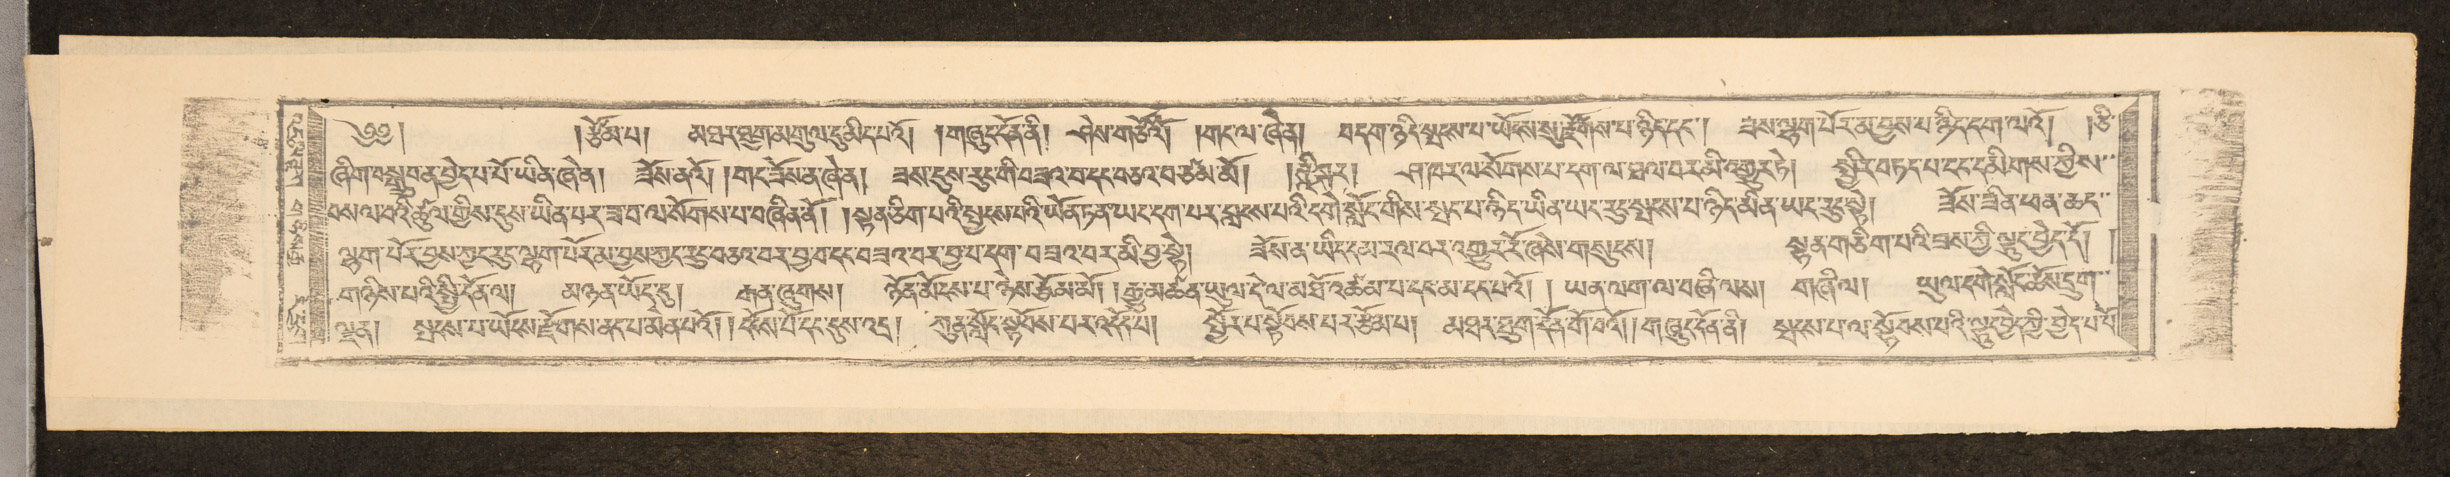༄༅། །རྩོམ་པ། མཐར་ཐུག་མ་གུལ་དུ་མིད་པའོ། །གཞུང་དོན་ནི། ཤེས་གཙོའོ། །གད་ལ་ཞེ་ན། བདག་ཉིད་སྤངས་པ་ཡོངས་སུ་རྫོགས་པ་ཉིད་དང་། ཟས་ལྷག་པོར་མ་བྱས་པ་ཉིད་དག་ལའོ། །ཅི་
ཞིག་བསྒྲུབ་ན་བྱེད་པ་པོ་ཡིན་ཞེ་ན། ཟོས་ནའོ། །གང་ཟོས་ན་ཞེ་ན། ཟས་དུས་རུང་གི་བཟའ་བ་དང་བཅའ་བ་ཙམ་མོ། །ཊཱིཀྐར། ཤ་ཁ་ར་ལ་སོགས་པ་དག་ལ་ཐལ་བར་མི་འགྱུར་ཏེ། སྤྱིར་བཏང་བ་དང་དམིགས་ཀྱིས་
བསལ་བའི་ཚུལ་གྱིས་དུས་མིན་པར་ཟ་བ་ལ་སོགས་པ་བཞིན་ནོ། །སྟན་ཅིག་པའི་སྦྱངས་པའི་ཡོན་ཏན་ཡང་དག་པར་བླངས་པའི་དགེ་སློང་གིས་སྤང་པ་ཉིད་ཡིན་ཡང་རུང་སྤངས་པ་ཉིད་མིན་ཡང་རུང་སྟེ། ཟོས་ཟིན་ཕན་
ཆང་ལྷག་པོར་བྱས་ཀྱང་རུང་ལྷག་པོར་མ་བྱས་ཀྱང་རུང་བཅའ་བར་བྱ་བ་དང་བཟའ་བར་བྱ་བ་དག་བཟའ་བར་མི་བྱ་སྟེ། ཟོས་ན་ཡིད་དམ་རལ་བར་འགྱུར་རོ་ཞེས་གསུངས། སྟན་གཅིག་པའི་ཟས་ཀྱི་ལྟུང་བྱེད་དོ། །
གཉིས་པའི་སྤྱི་དོན་ལ། མཉན་ཡོད་དུ། རྒན་ཞུགས། ཉོན་མོངས་པ་ཉེས་རྩོམ་མོ། །རྒྱུ་མཚན་ཡུལ་དེ་ལ་མཐོ་འཚམ་པ་དང་མ་དད་པའོ། །ཡན་ལག་ལ་བཞི་ལས། གཞི་ལ། ཡུལ་དགེ་སློང་ཆོས་དྲུག་ལྡན། སྤངས་
པ་ཡོངས་རྫོགས་ནད་པ་མིན་པའོ། །དངོས་པོ་དང་དུས་འདྲ། ཀུན་སློད་སྟོབས་པར་འདོད་པ། སྦྱོར་བ་སྟོབས་པར་རྩོམ་པ། མཐར་ཐུག་དོན་གོ་བའོ། །གཞུང་དོན་ནི། སྤངས་པ་ལ་སྟོབས་པའི་ལྟུང་བྱེད་ཀྱི་བྱེད་པ་པོ་